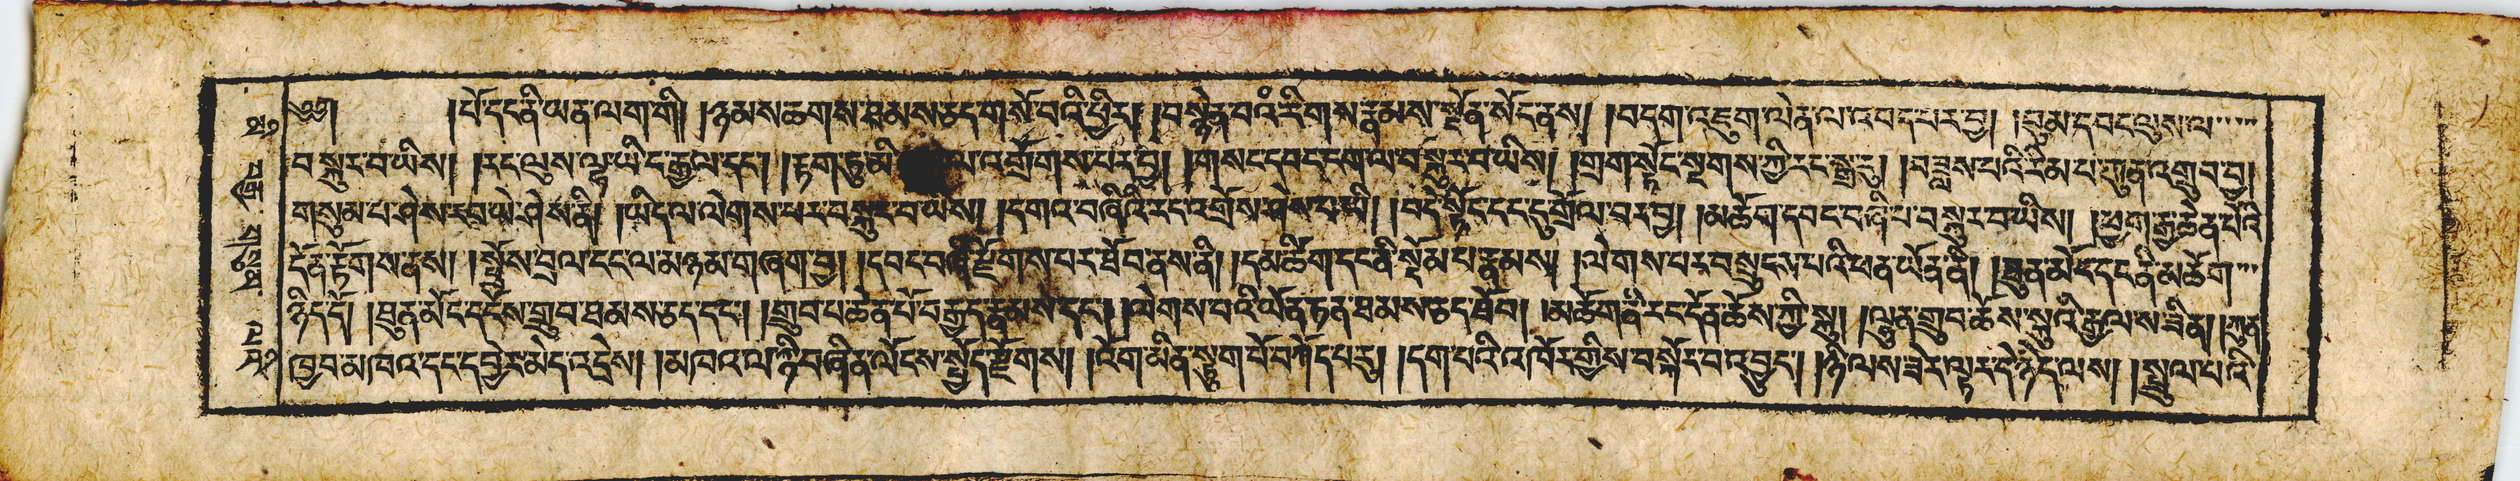པོ་དང་ནི་ལན་ལག་གི། །ཉམས་ཆགས་ཐམས་ཅད་གསོ་བའི་ཕྱིར། །བསྙེན་པའི་རིགས་རྣམས་སྔོན་སད་ནས། །བདག་འཇུག་ལེན་ལ་འབད་པར་བྱ། །བུམ་དབང་ལུས་ལ་
བསྐུར་བ་ཡིས། །ནང་ལུས་ལྷ་ཡི་ང་རྒྱལ་དང་། རྟག་ཏུ་མི་ལ་འགྲོགས་པར་བྱ། །གསང་དབང་ངག་ལ་བསྐུར་བ་ཡིས། །གྲག་སྟེང་སྔགས་ཀྱི་རང་སྒྲ་རུ། །བཟླས་པའི་རིམ་པ་ཀུན་འགྲུབ་བ། །
གསུམ་པ་ཤེས་རབ་ཡེ་ཤེས་ནི། །ཡིད་ལ་ལེགས་པར་བསྐུར་བ་ལས། །དགའ་བཞིའི་རང་འགྲོས་ཤེས་པ་ཡི། །བདེ་སྟོང་ངང་དུ་གྲོལ་བར་བྱ། །མཆོག་དབང་བཞི་བསྐུར་བ་ཡིས། །ཕྱག་རྒྱ་ཆེན་པོའི་
དོན་རྟོགས་ནས། །སྤྲོས་བྲལ་ངང་ལ་མཉམ་གཞག་བྱ། །དབང་བཞི་རྫོགས་པར་ཐོབ་ནས་ནི། །དམ་ཚིག་དང་ནི་སྡོམ་པ་རྣམས། །ལེགས་པར་བསྲུངས་པའི་ཕན་ཡོན་ནི། །ཐུན་མོང་དང་ནི་མཆོག་
ཉིད་དོ། །ཐུན་མོང་དངོས་གྲུབ་ཐམས་ཅད་དང་། །གྲུབ་པ་ཆེན་པོ་བརྒྱད་རྣམས་དང་། །ལེགས་པའི་ཡོན་ཏན་ཐམས་ཅད་ཐོབ། མཆོག་ནི་རང་དོན་ཆོས་ཀྱི་སྐུ། །ལྷུན་གྲུབ་ཆོས་སྐུའི་རྒྱལ་ས་ཟིན། །ཀུན་
ཁྱབ་མཁའ་དང་དབྱེར་མེད་འདྲེས། །མཁའ་ལ་ཉི་བཞིན་ལོངས་སྤྱོད་རྫོགས། །འོག་མིན་སྟུག་པོ་བཀོད་པ་རུ། །དག་པའི་འཁོར་གྱིས་བསྐོར་བ་འབྱུང་། ། ཉི་ལས་ཟེར་ལྟར་དེ་ཉིད་ལས། །སྤྲུལ་པའི་